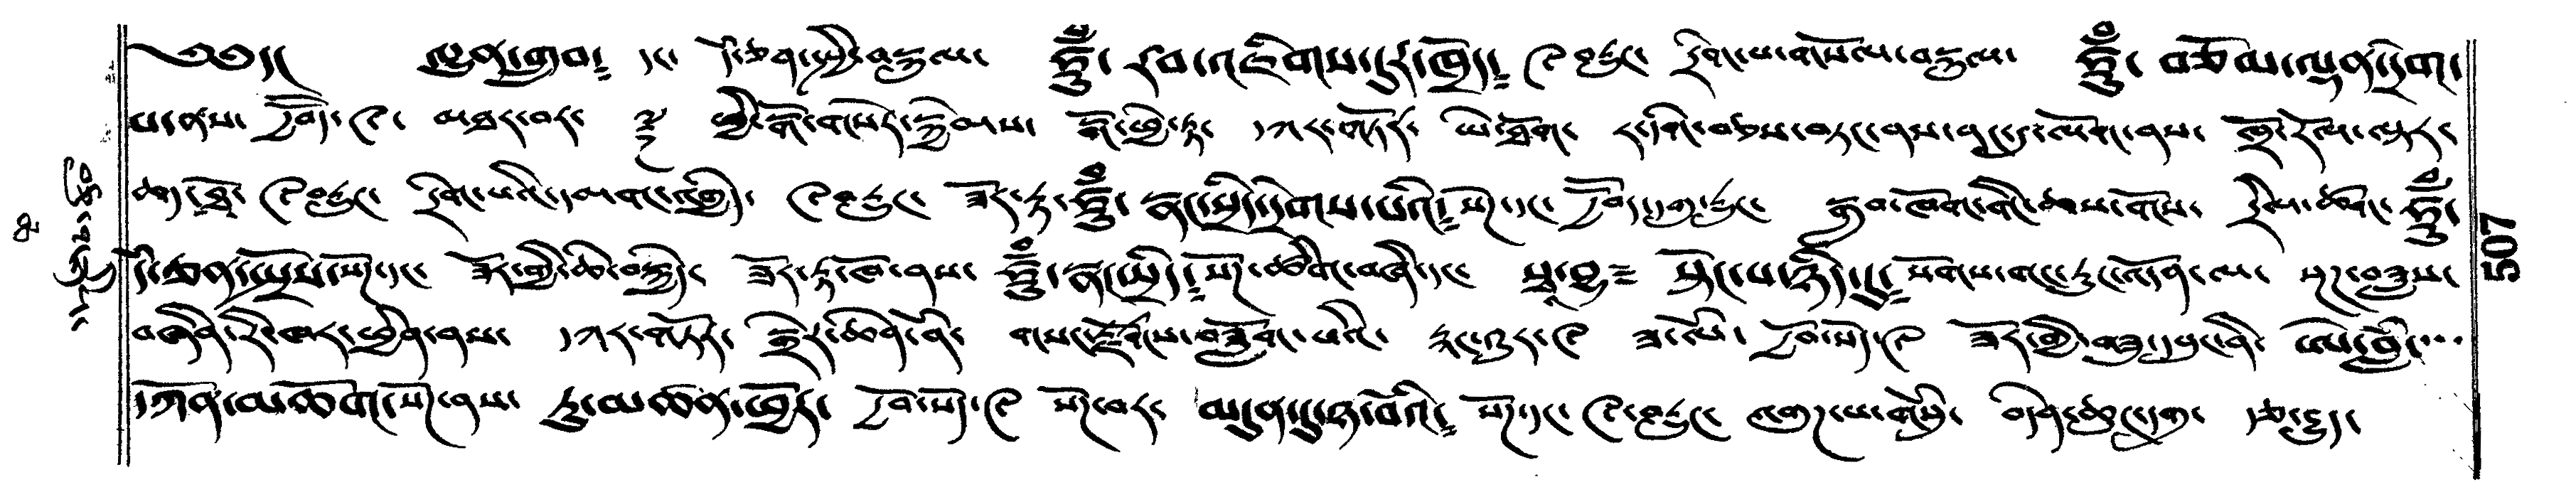ལྷུན་གྲུབ༴ དང་། དམ་ཅན་སྤྱི་བསྐུལ། ཧཱུྃ༔ རབ་འཇིགས་དུར་ཁྲོད༴ ( དགུ་བརྡུང་། ) དྲེགས་པའི་གསོལ་བསྐུལ། ཧཱུྃ༔བཅོམ་ལྡན་དྲེགས་
པ༴ ནས། ( རྒྱོབ་སོད་དགུ ) མཐའས་བར། ༈ ཕྱི་སྒོར་གསེར་སྐྱེམས། ( སྒོ་ཕྱི་རྟ། ) དཀར་གཏོར། ཡེ་ཐོག ར་དགེ་བཅས་བཏང་ནས་ནང་དུ་ལོག ཁྲོ་རོལ་ལྟར། 
ཆད་ཐོ། ( དགུ་བརྡུང་། ) དྲེགས་པའི་དམག་འགྱེད། ( དགུ་བརྡུང་། ) ཧཱུྃ༔སྣང་སྲིད་དྲེགས་པའི༴ སོགས་དང་། ( རྒྱོབ་སོད་དགུ་རྡུང་། ) སྒྲུབ་ཁོག་གི་ཆས་གོས། ( དྲིལ་ཚག ) ཧཱུྃ༔
དམ་ཅན་སྤྲོས༴ སོགས་དང་། ཟོར་གྱི་ཆེ་བསྐྱེད། ( ཟོར་རྟ་ཁོ་ནས། ) ཧཱུྃ༔སྣང་སྲིད༴ སོགས་ཚིག་བཞི་དང་། སྭ་བྷ་ཝ༴ སྟོང་པ་ཉིད་དུ༴ སོགས་གང་རུང་འདོན་ལ། སྔགས་བཟླ་
བཞིན་རི་ཁར་ཕྱིན་ནས། དཀར་གཏོར། ( སྒྲེར་ཆེན་ནམ། ) གསང་རྫོགས་བཟློག་པའི་ ( རྐང་འུར་དགུ་ ) ཟ་ལམ། ( རྒྱོབ་སོད་དགུ ) ཟོར་གྱི་གཟུ་དཔང་ནི། ཨེ༔བླ་མ་
དཀོན་མཆོག༴ སོགས་ནས། རུ་མཚོན་ཕྱོར༔ ( རྒྱོབ་སོད་དགུ ) སོགས་བར། མདུན་དུ་ཉ་བོའི༴ སོགས་དང་ ( དགུ་བརྡུང་། ) འགུགས་པ་གསུམ། བདེན་ཆུང་དགུ། རྩ་རྒྱུད།